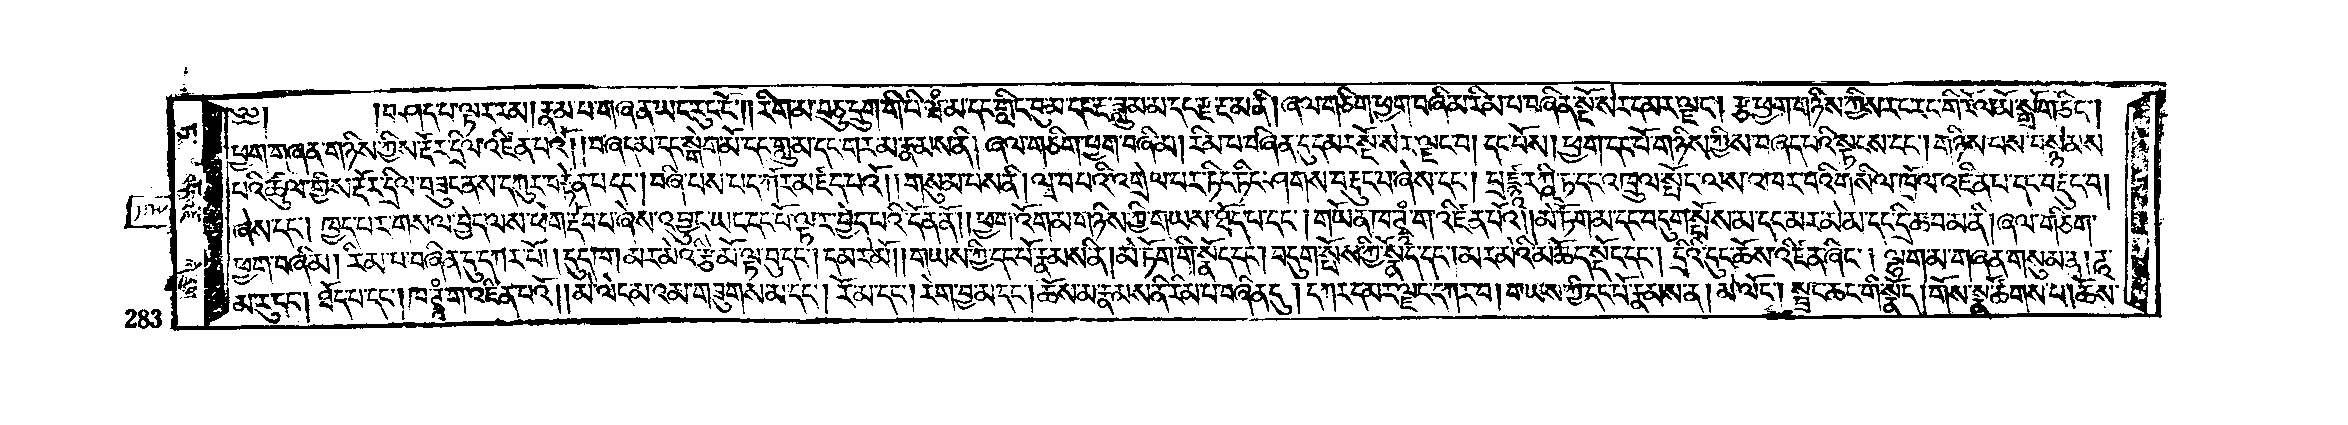༄༅། །བཤད་པ་ལྟར་རམ། རྣམ་པ་གཞན་ཡང་རུང་ངོ། །རིག་མ་བཅུ་དྲུག་གི་པི་ཝཾ་མ་དང་གླིང་བུ་མ་དང་རྔ་ཟླུམ་མ་དང་རྫ་རྔ་མ་ནི། ཞལ་གཅིག་ཕྱག་བཞི་མ་རིམ་པ་བཞིན་སྔོ་སེར་དམར་ལྗང་། རྩ་ཕྱག་གཉིས་ཀྱིས་རང་རང་གི་རོལ་མོ་སྒྲོག་ཅིང་།
ཕྱག་གཞན་གཉིས་ཀྱིས་རྡོར་དྲིལ་འཛིན་པའོ། །བཞད་མ་དང་སྒེག་མོ་དང་གླུ་མ་དང་གར་མ་རྣམས་ནི། ཞལ་གཅིག་ཕྱག་བཞི་མ། རིམ་པ་བཞིན་དུ་དམར་སྔོ་སེར་ལྗང་བ། དང་པོས། ཕྱག་དང་པོ་གཉིས་ཀྱིས་བཞད་པའི་སྟངས་དང་། གཉིས་པས་བསྙེམས་
པའི་ཚུལ་གྱིས་རྡོར་དྲིལ་བཟུང་ནས་དཀུར་བརྟེན་པ་དང་། བཞི་པས་པད་ཀོར་མཛད་པའོ། །གསུམ་པས་ནི། ལྭ་བ་པའི་འགྲེལ་པར་ཏིང་ཏིང་ཤགས་བརྡུང་པ་ཞེས་དང་། པྲཛྙཱ་རཀྵི་ཏ་དང་འཁྲུལ་སྤོང་ལས་འཁར་བའི་གསིལ་ཁྲོལ་འཛིན་པ་དང་བརྡུང་བ།
ཞེས་དང་། ཁྱད་པར་གསལ་བྱེད་ལས་ཕེག་རྡོབ་པ་ཞེས་འབྱུང་ཡང་དང་པོ་ལྟར་བྱེད་པའི་དོན་ནོ། །ཕྱག་འོག་མ་གཉིས་ཀྱི་གཡས་ཐོད་པ་དང་། གཡོན་ཁ་ཊྭཱཾ་ག་འཛིན་པའོ། །མེ་ཏོག་མ་དང་བདུག་སྤོས་མ་དང་མར་མེ་མ་དང་དྲི་ཆབ་མ་ནི། ཞལ་གཅིག་
ཕྱག་བཞི་མ། རིམ་པ་བཞིན་དུ་དཀར་པོ། །དུད་ཁ། མར་མེའི་རྩེ་མོ་ལྟ་བུ་དང་། དམར་མོ། །གཡས་ཀྱི་དང་པོ་རྣམས་ནི། མེ་ཏོག་གི་སྣོད་དང་། བདུག་སྤོས་ཀྱི་སྣོད་དང་། མར་མེའི་མཆོད་སྡོང་དང་། དྲིའི་དུང་ཆོས་འཛིན་ཞིང་། ལྷག་མ་གཞན་གསུམ་ན། ཌཱ་
མ་རུ་དང་། ཐོད་པ་དང་། ཁ་ཊྭཱཾ་ག་འཛིན་པའོ། །མེ་ལོང་མ་འམ་གཟུགས་མ་དང་། རོ་མ་དང་། རེག་བྱ་མ་དང་། ཆོས་མ་རྣམས་ནི་རིམ་པ་བཞིན་དུ། དཀར་དམར་ལྗང་དཀར་བ། གཡས་ཀྱི་དང་པོ་རྣམས་ན། མེ་ལོང་། སྦྲང་ཆང་གི་སྣོད། གོས་སྣ་ཚོགས་པ། ཆོས་